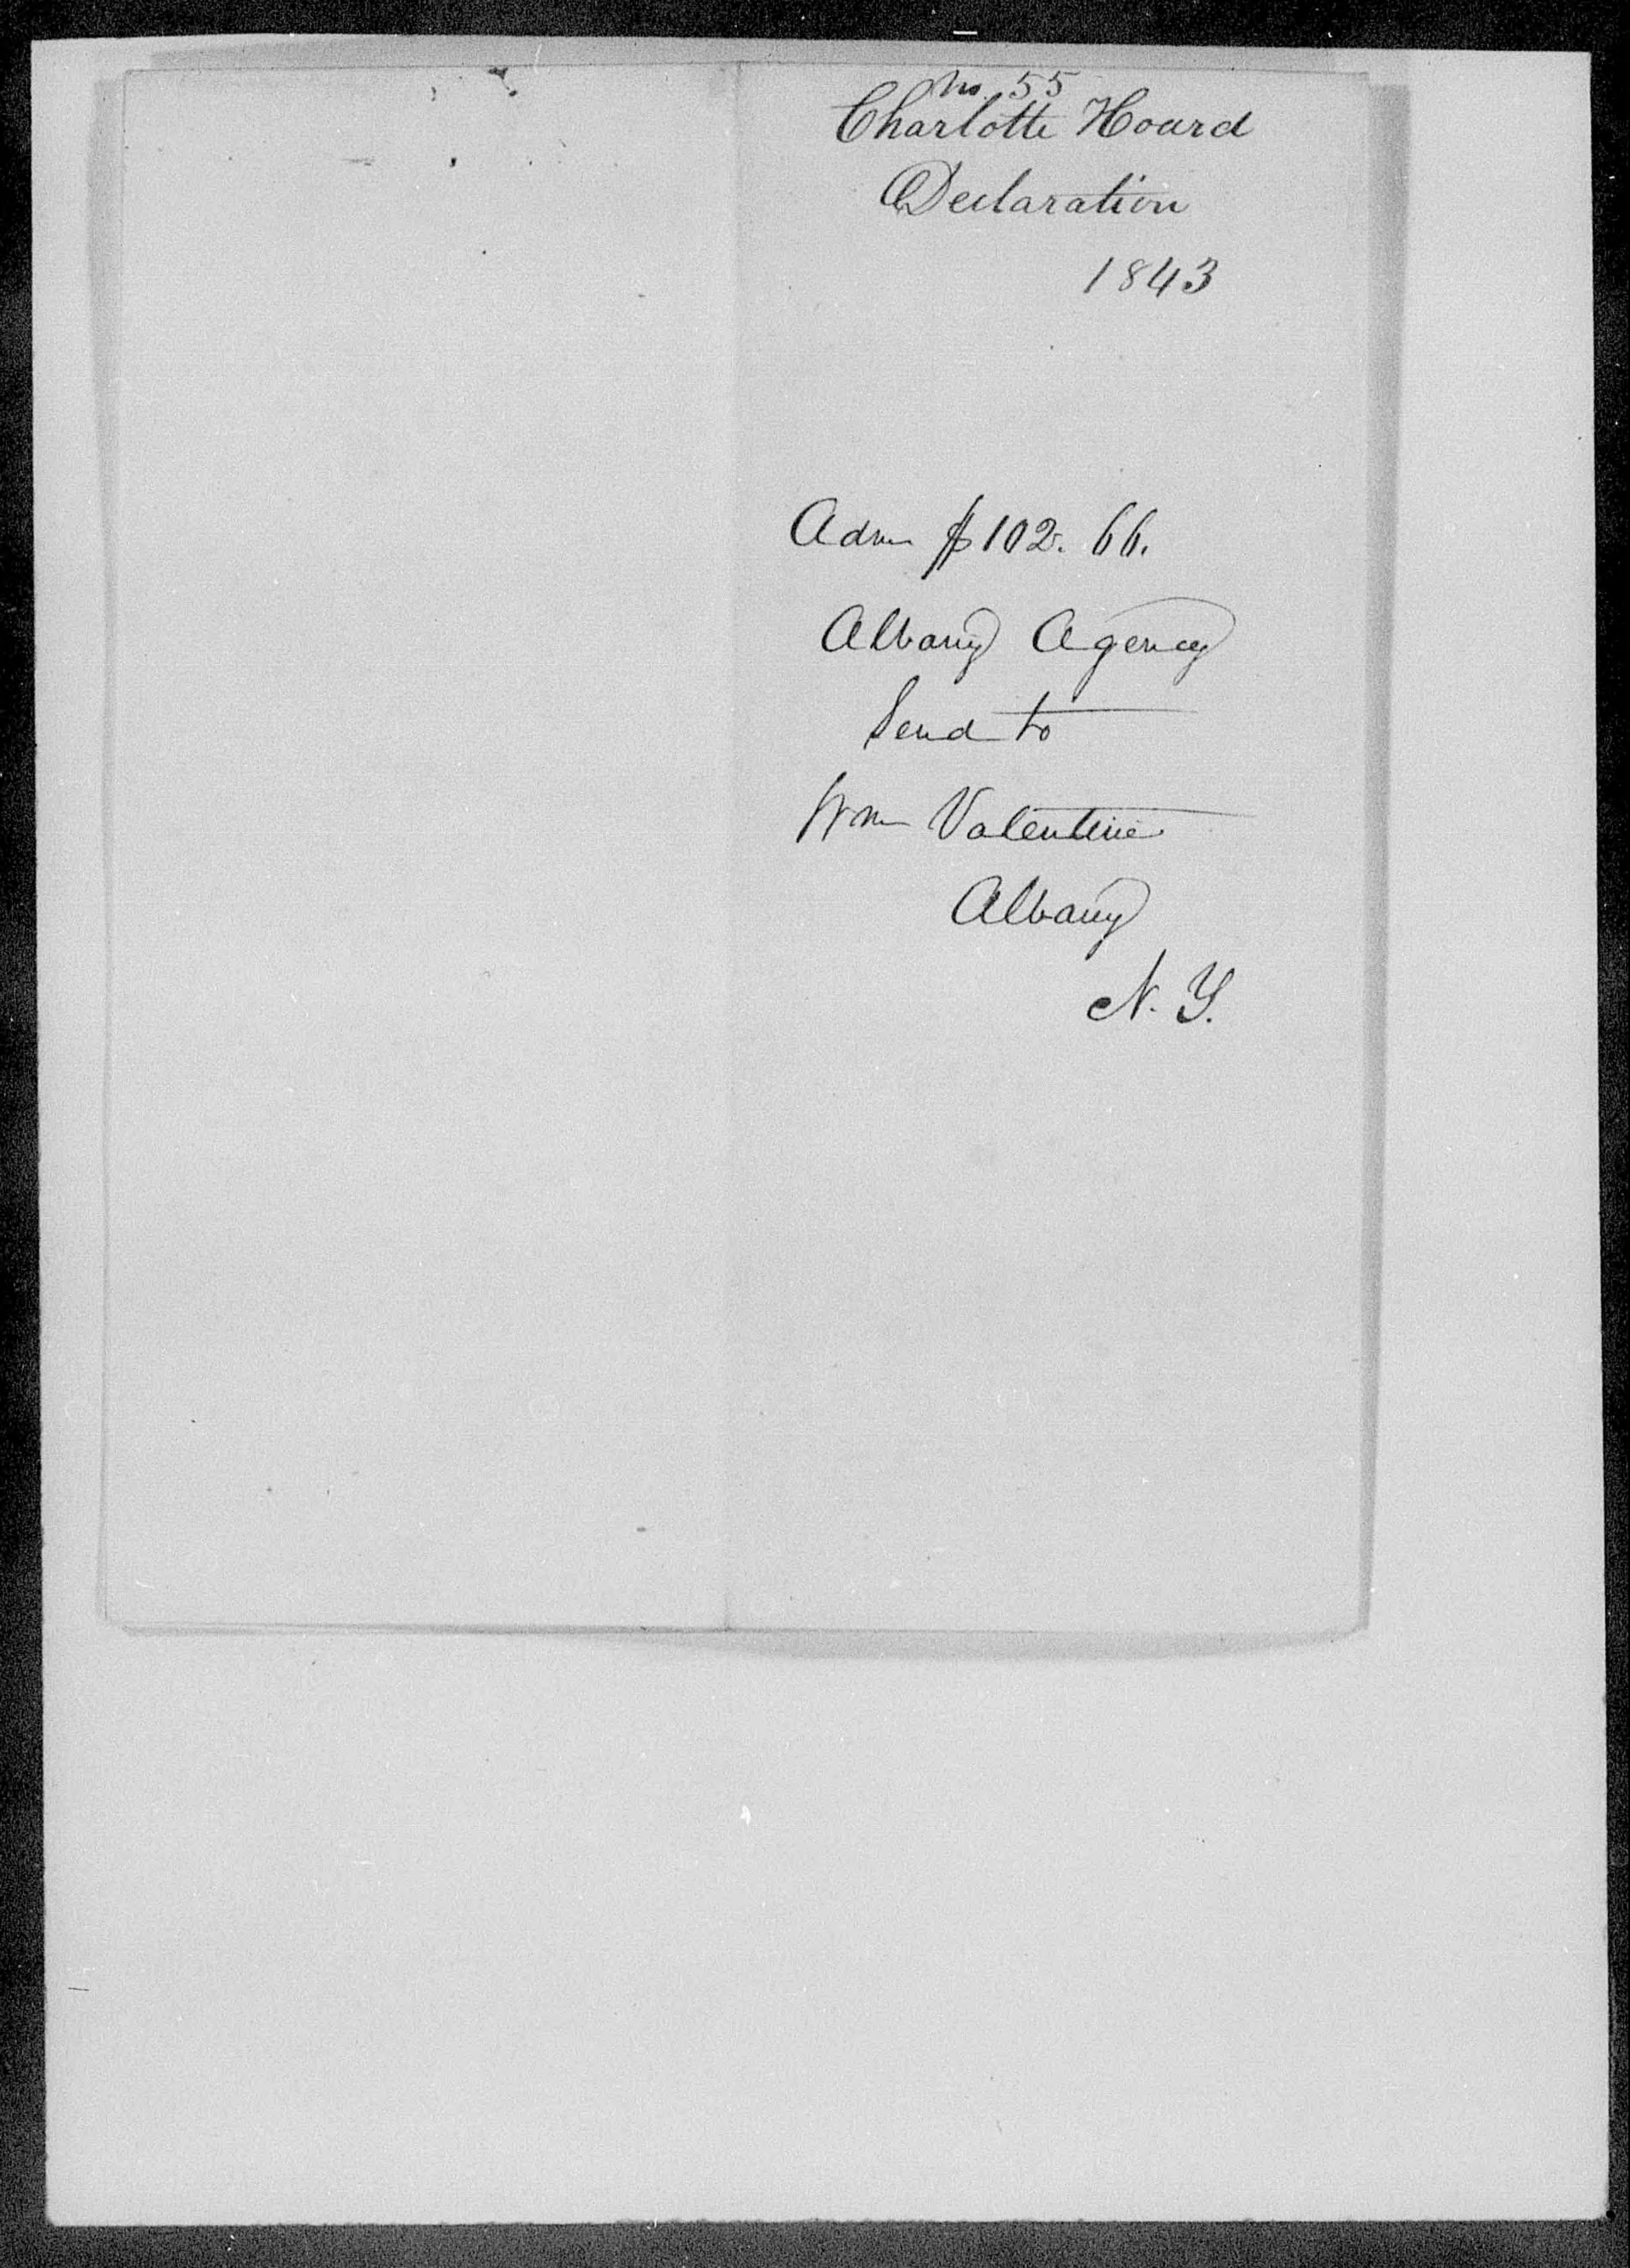No. 55
Charlotte Hoard
Declaration
1863

adm $102.66
Albany Agency
Send to
Wm Valentine
Albany
N.Y.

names: Charlotte Hoard, Wm Valentine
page: 43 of 52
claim: widow's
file: W 19755, Jonathan Hoard, Mass.